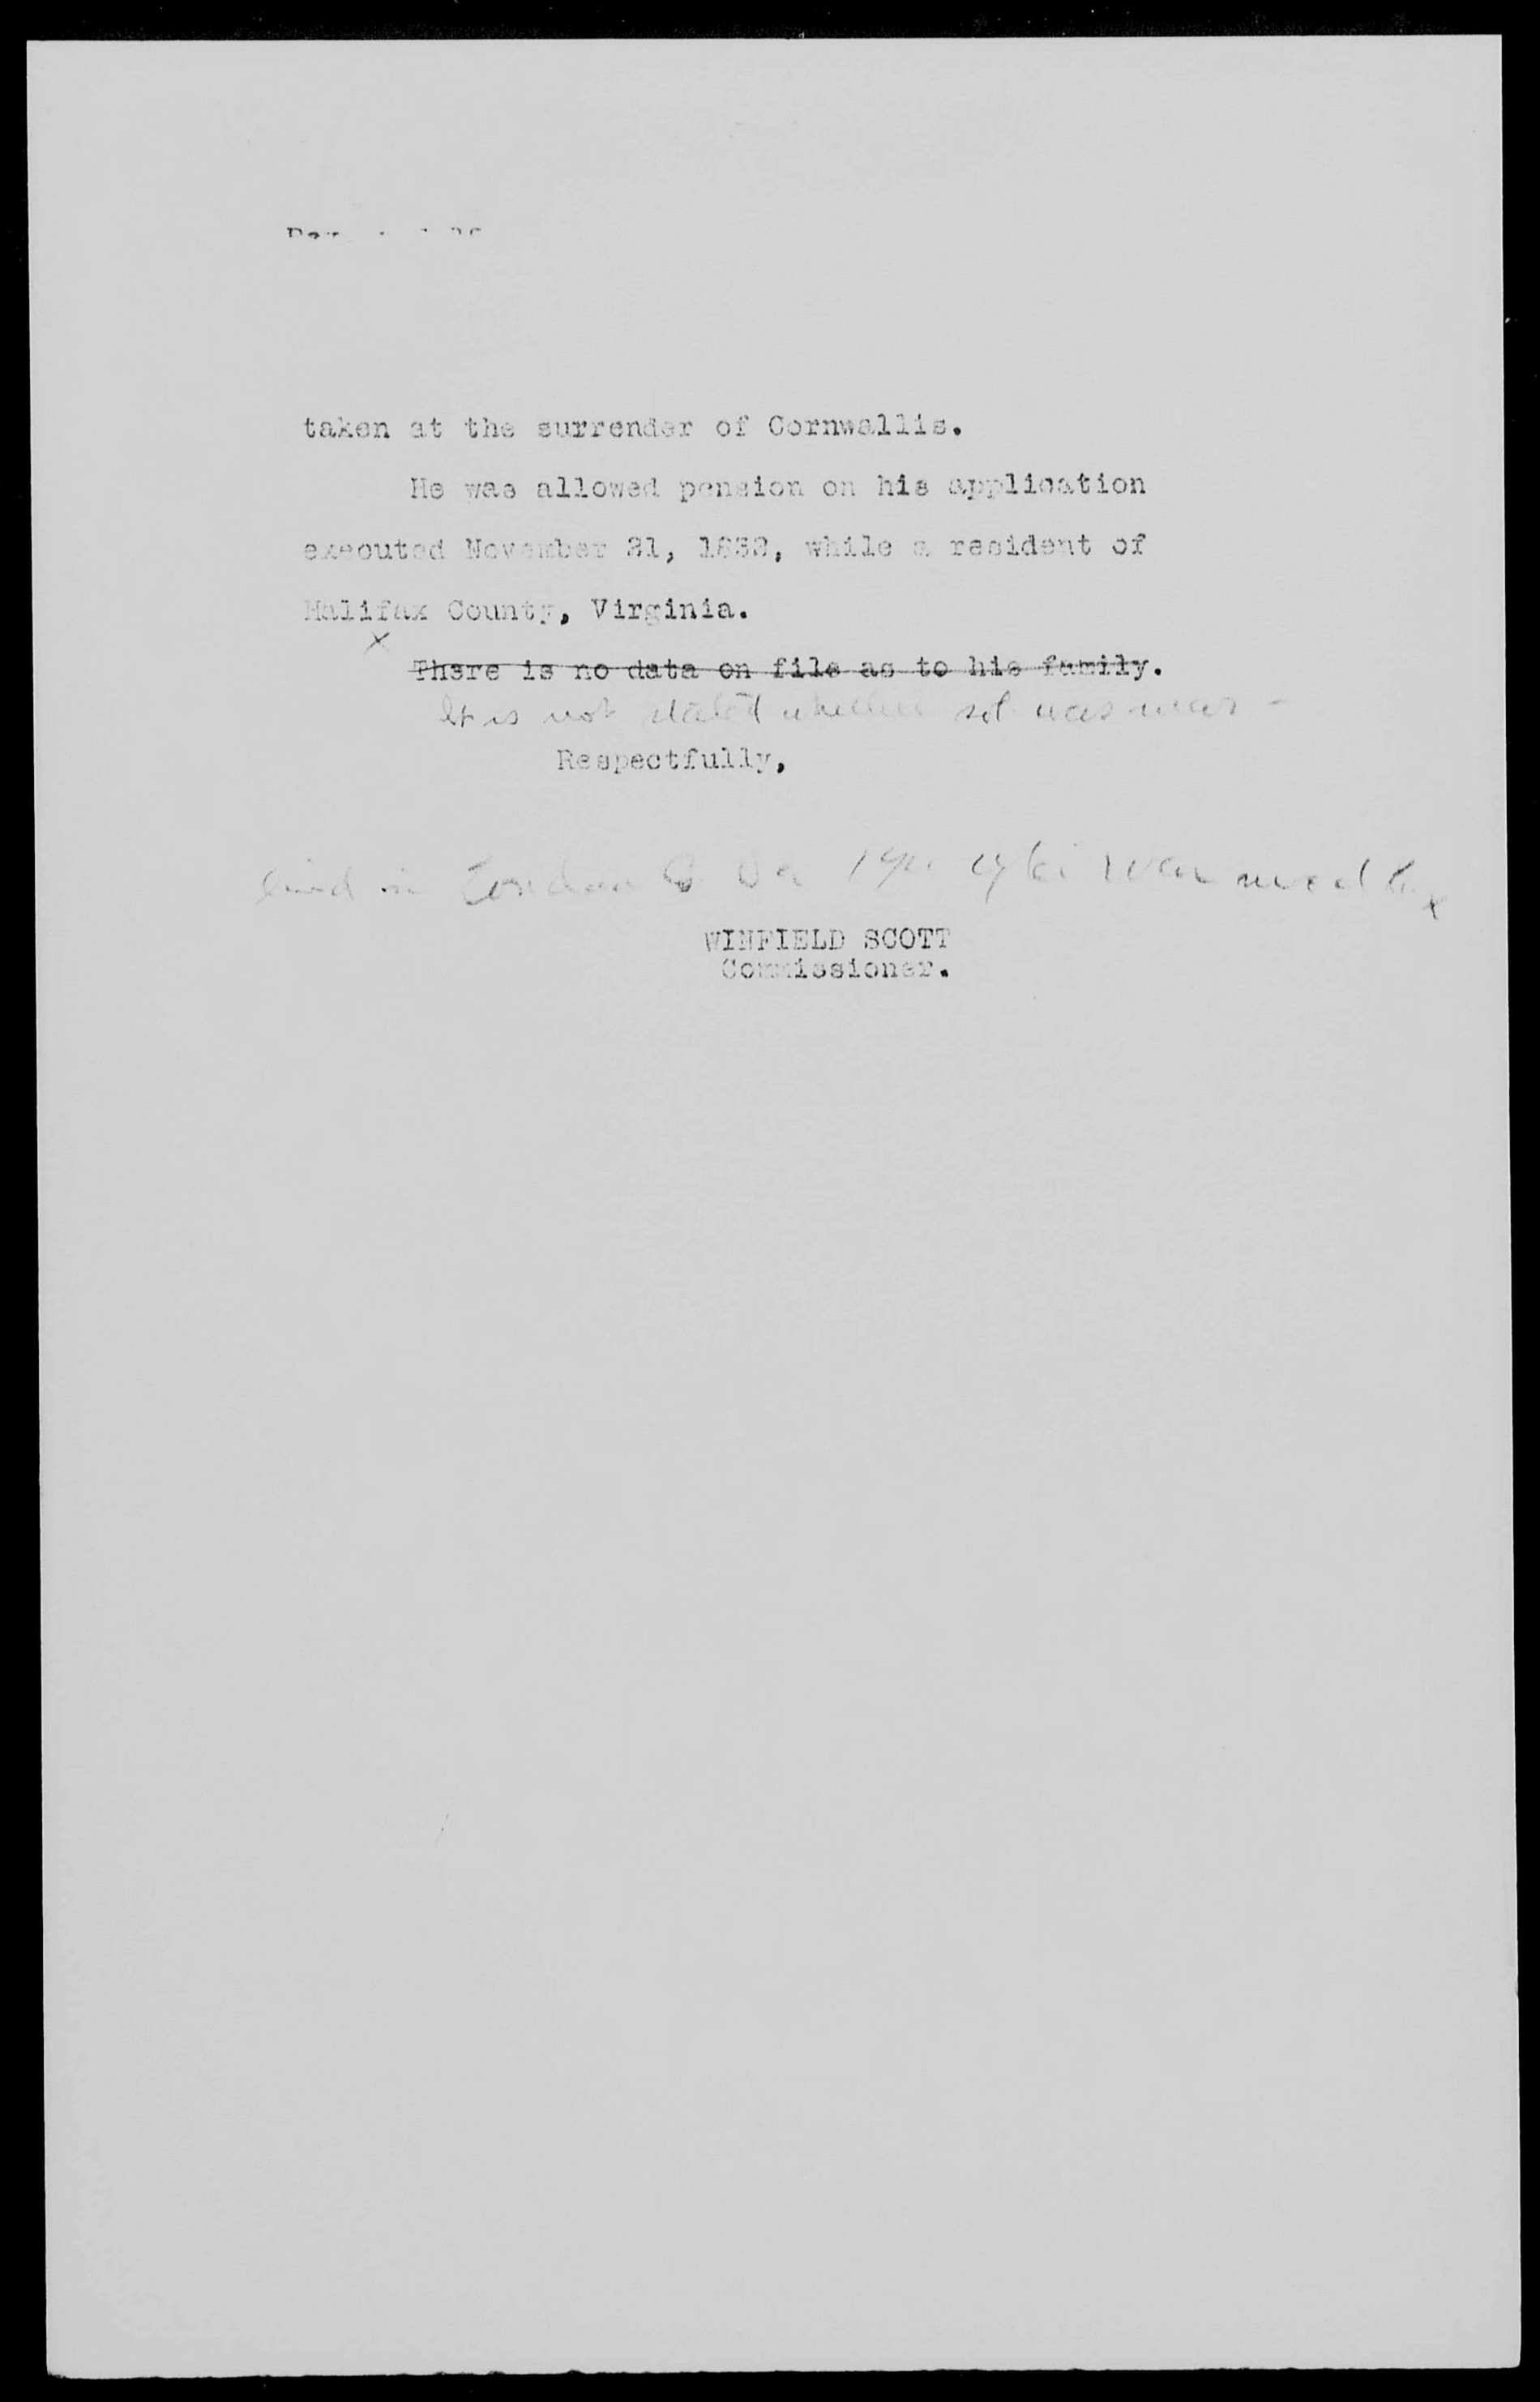taken at the surrender of Cornwallis.
   He was allowed pension on his application
executed November 21, 1832, while a resident of
Halifax County, Virginia.
[the nest line is crossed out.]
There is no data on file as to his family.
It is not stated whether or not was mar-
Respectfully,
lived in Loudoun Co. Va. 19 yr [illegible] war ended.
WINFIELD SCOTT
Commissioner.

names: Winfield Scott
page: 17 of 18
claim: survivor's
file: S. 6578, Thomas Bailey, Va.